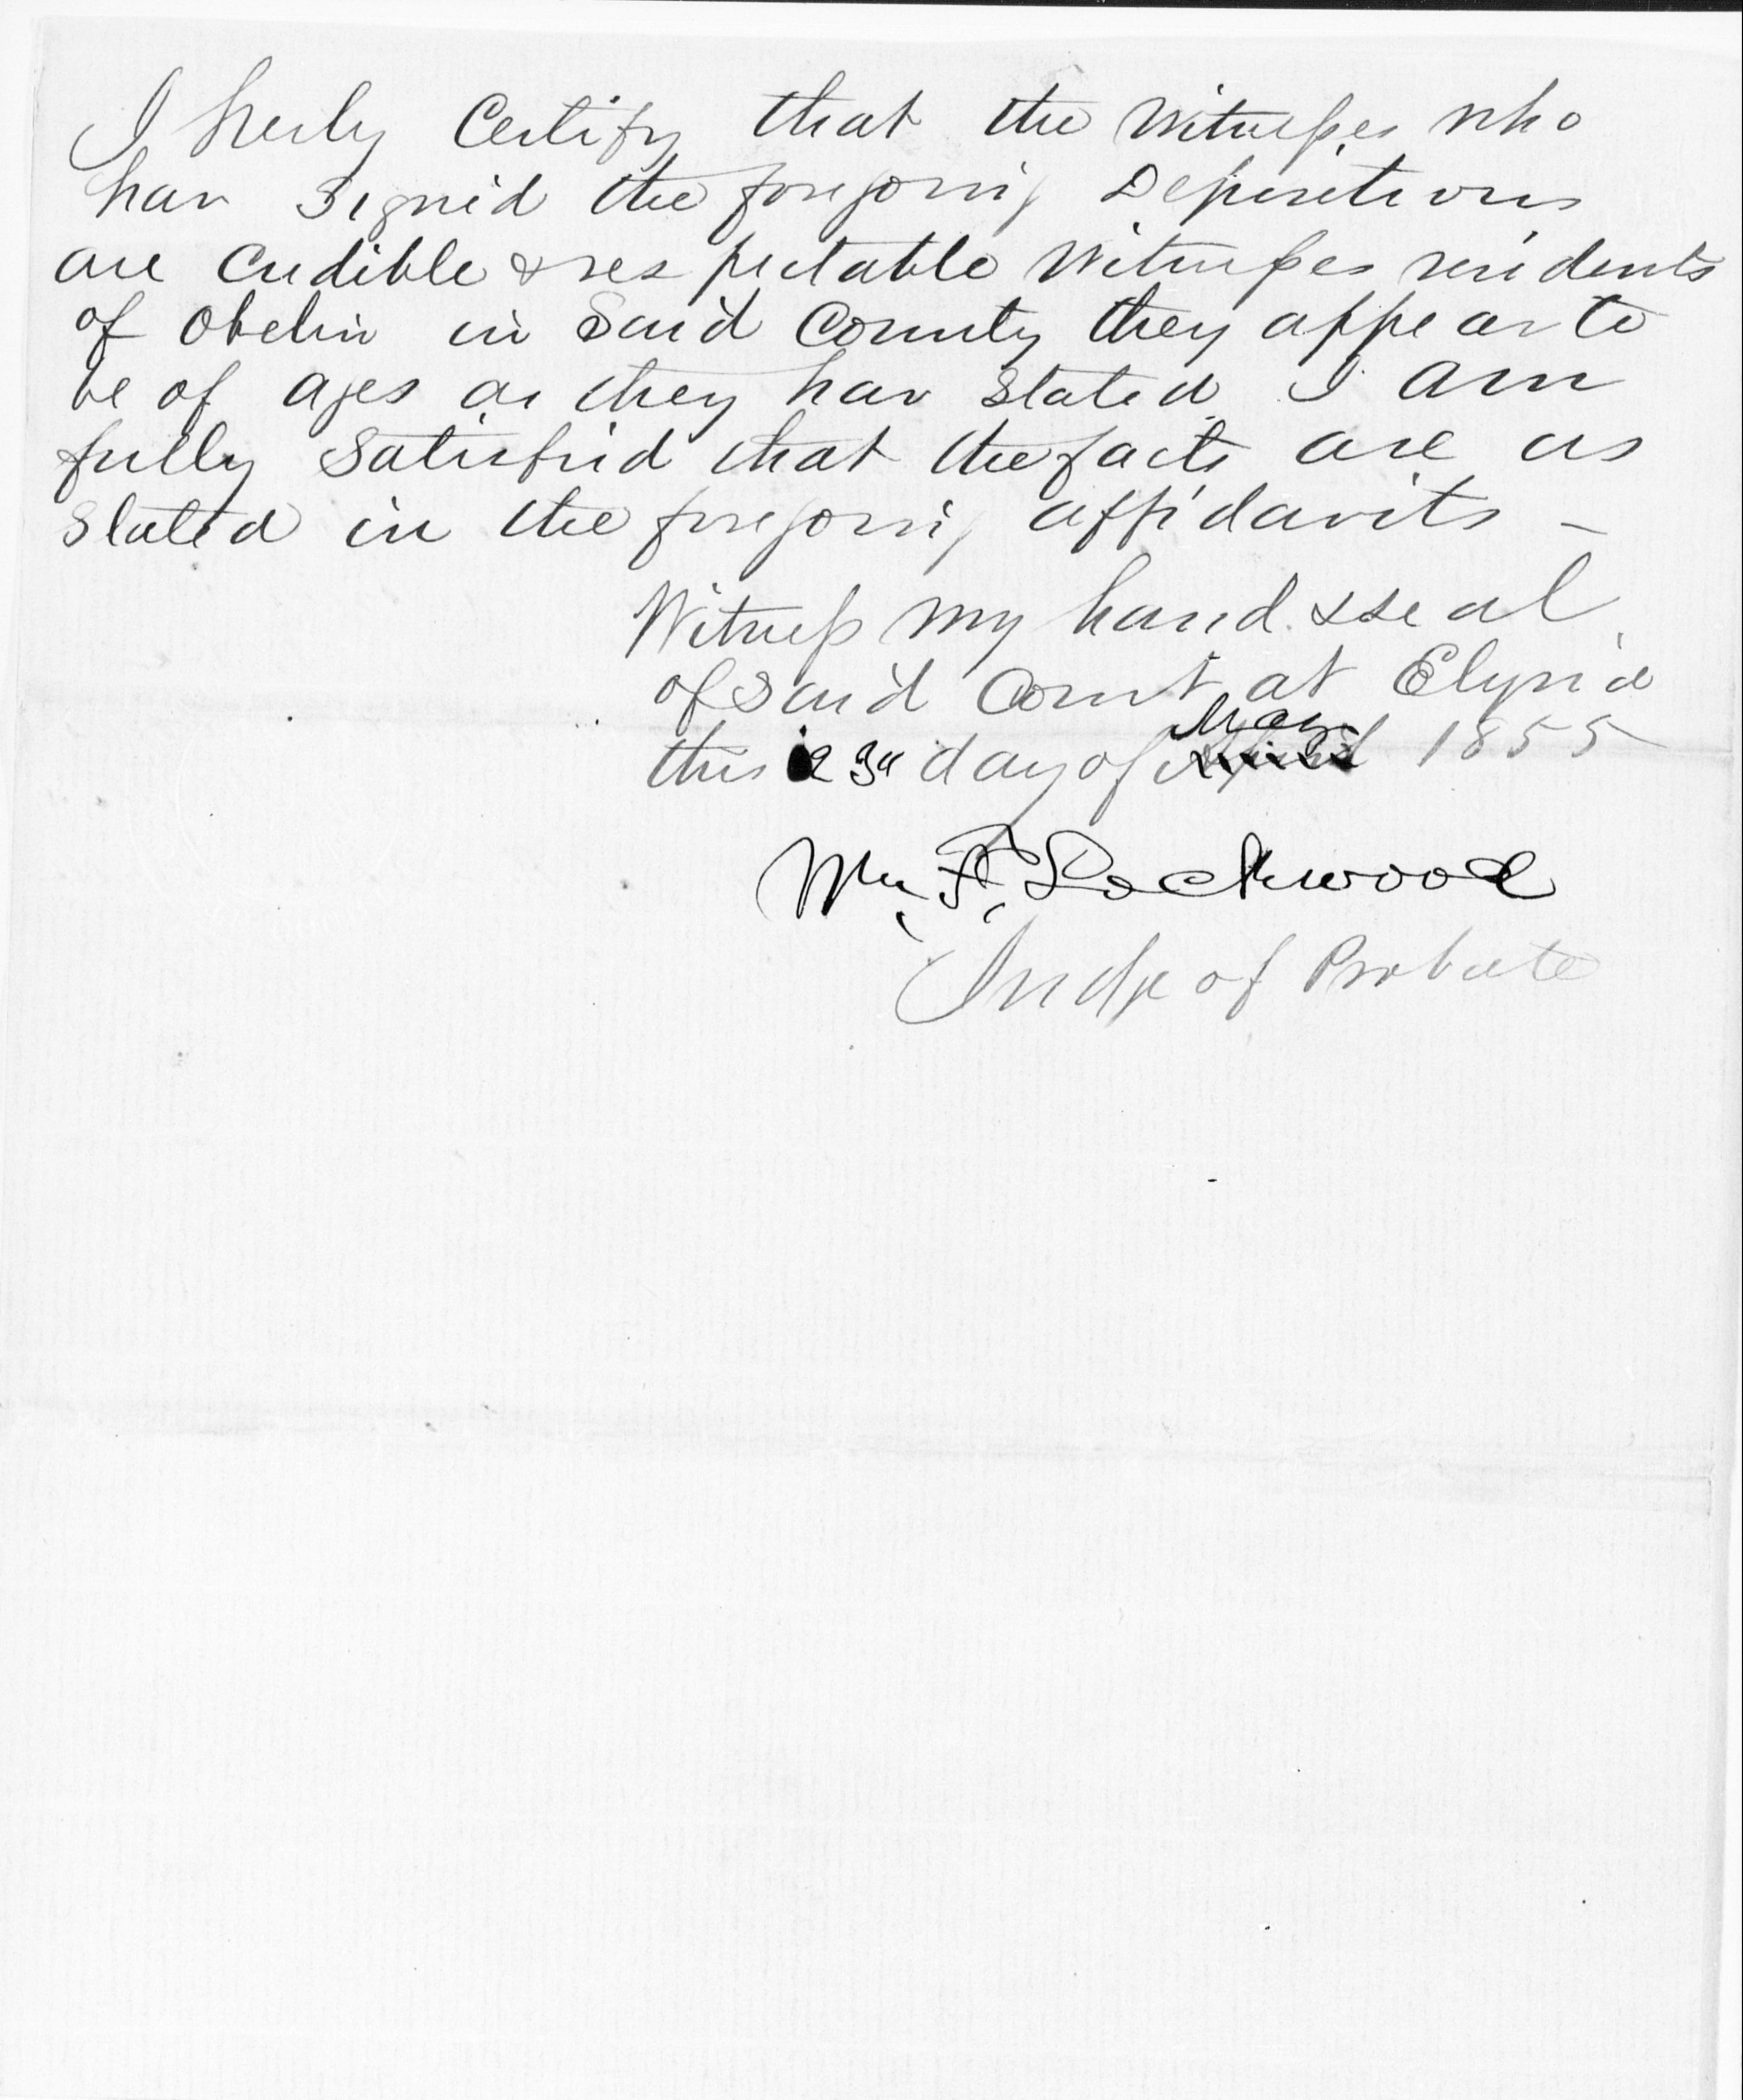I herby certify that the Witnesses who
has signed the foregoing Depesitions
are credible & respectable witnesses residents
of Obelin in said County they appear to
be of ages as they have stated I am
fully Satisfied that the facts are as
stated in the foregoing affidavits
Witness my hand & seal
of said Court at Elyn'd
this 23 day of May 1855
Wm F. Rockwood
Judge of Probate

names: Wm F Lockwood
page: 33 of 78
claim: widow's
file: W. 4117, Nathaniel Bradley, Conn.